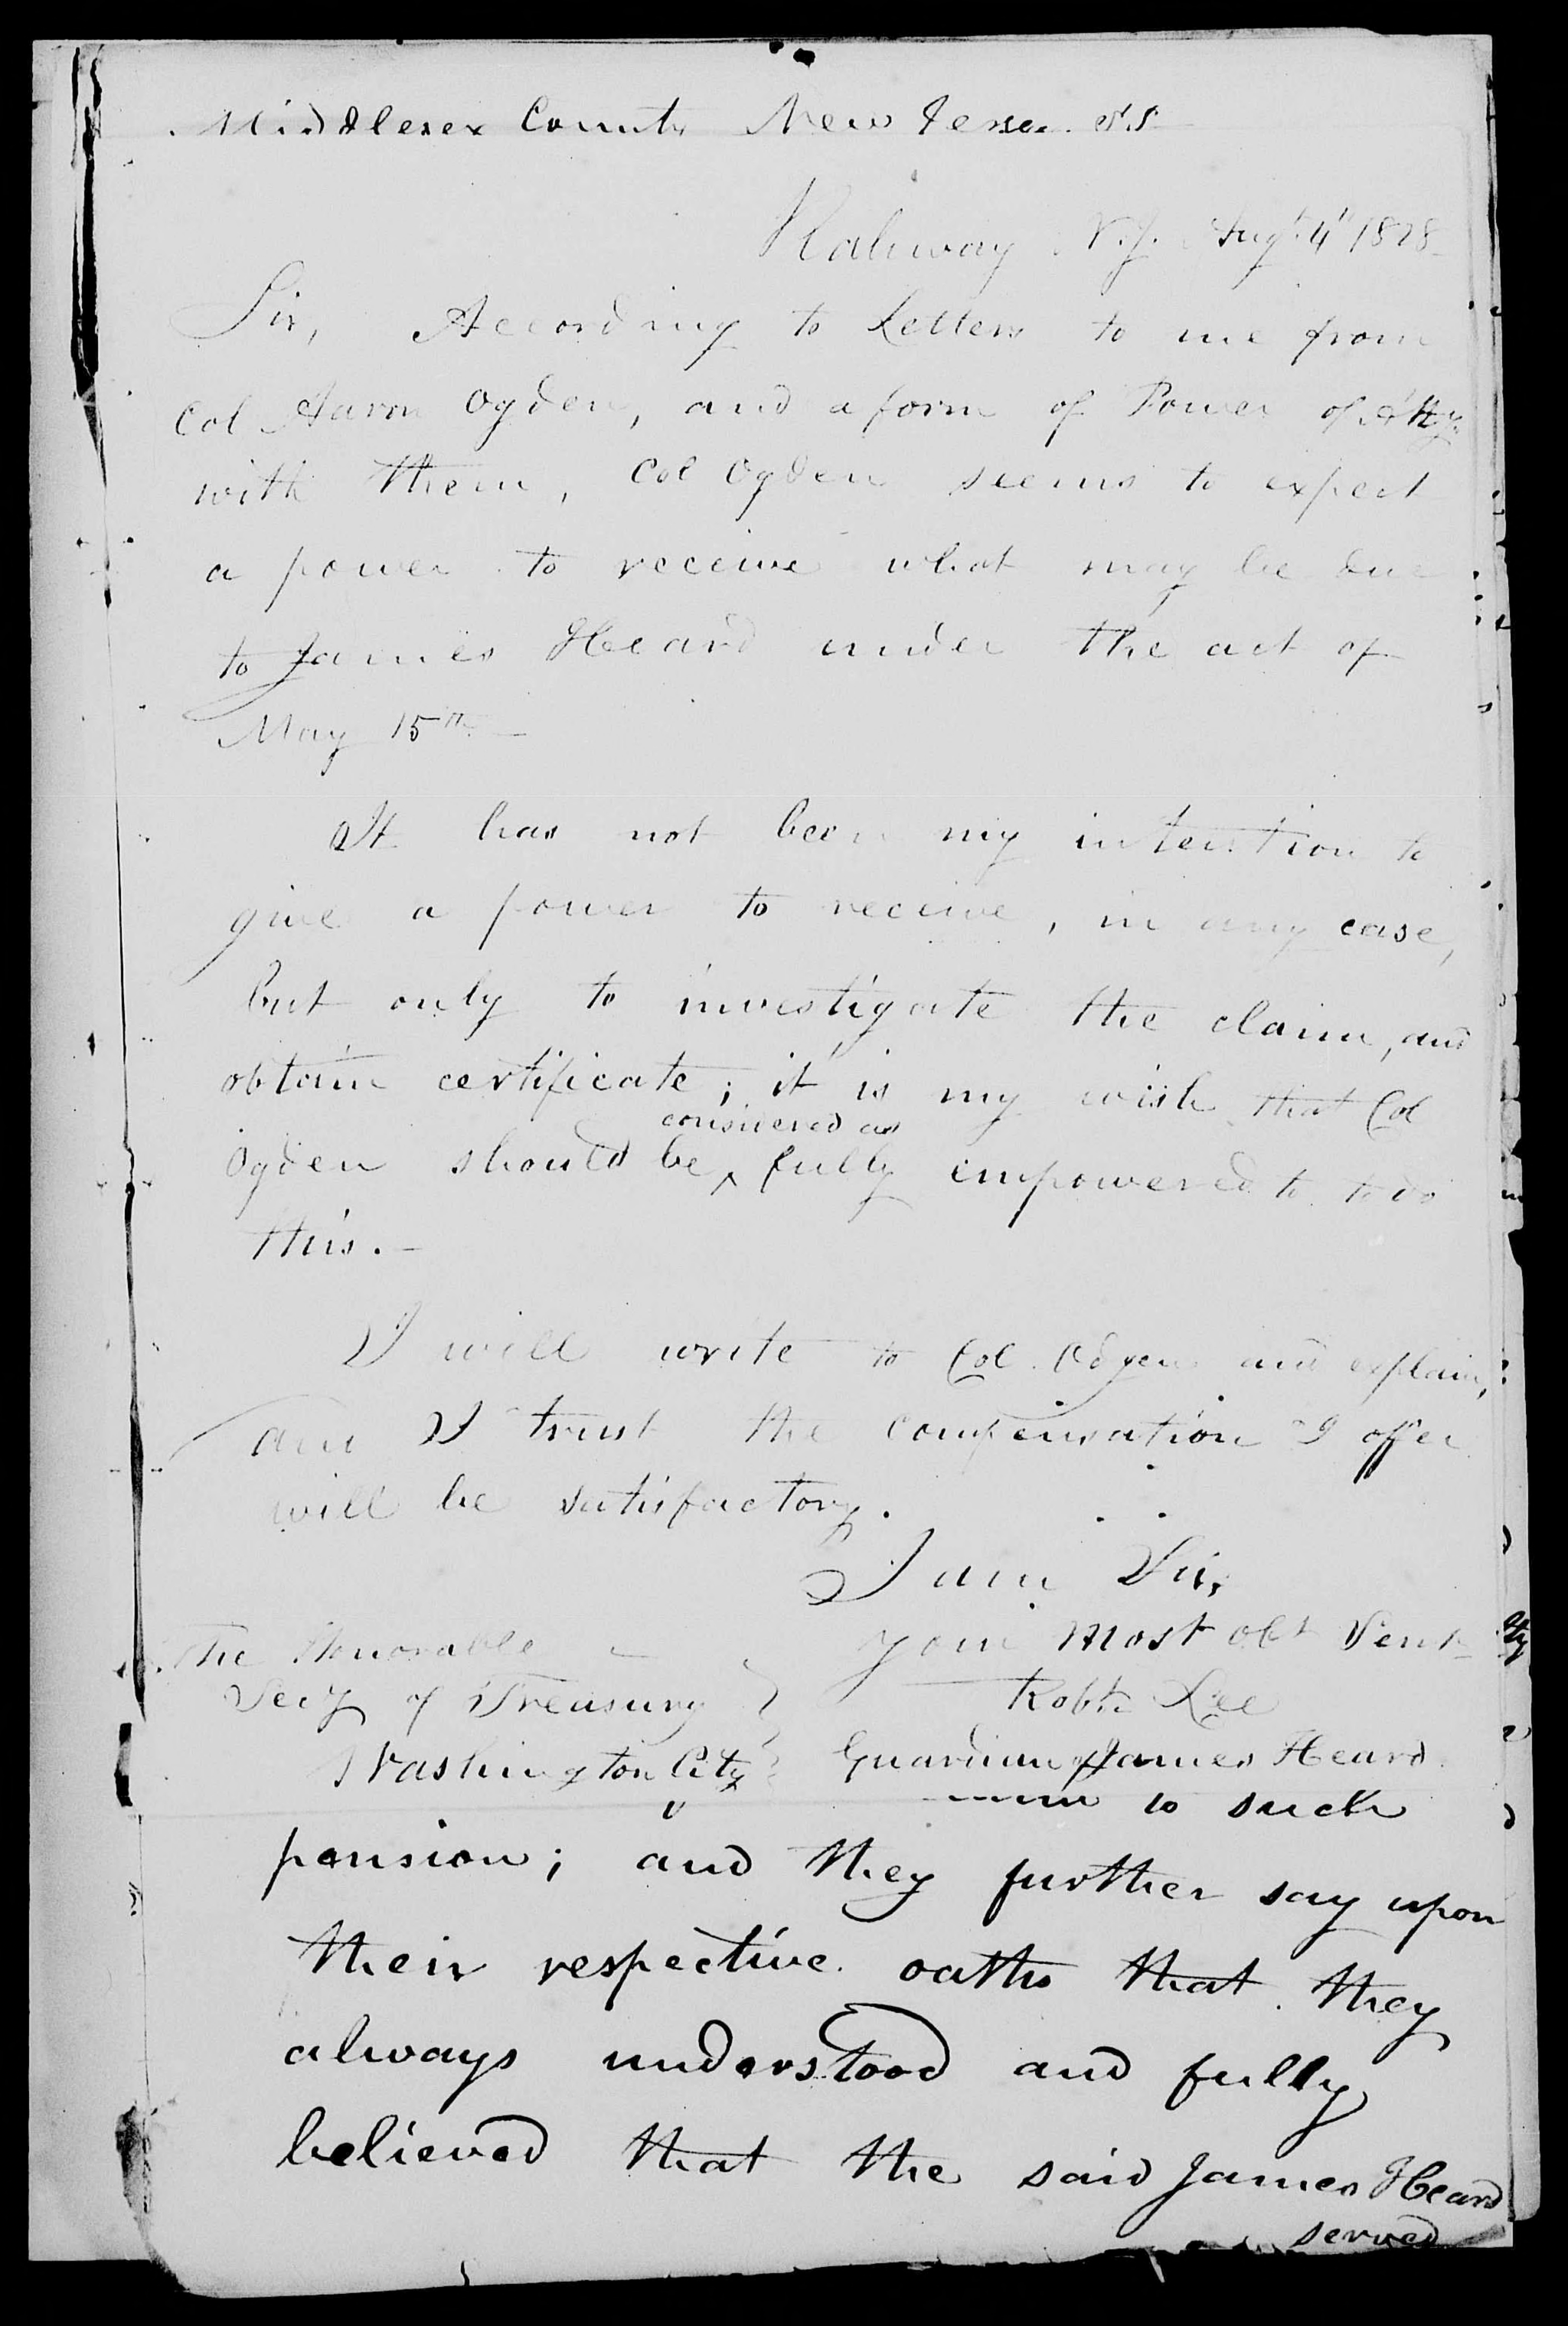Middlesex County New Jersey S.S.

Rahway, N.J. Augt 4" 1828

According to Letters to me from Col Aaron Ogden, and a form of Power of Atty with them,
Col Ogden seems to expect a power to receive what may be due to James Heard under the act of May 15th-

It has not been my intention to give a power to receive, in any case, but only to investigate the claim, and to obtain certificate, it is my wish that Col Ogden should be considered as fully empowered to do this. - 

I will write to Col. Ogden and explain, and
I trust the compensation I offer will be satisfactory.

I am Sir,
your Most Obt Sent
Robt Lee
Guardian James Heard

The Honorable
Secy of Treasury
Washington City

[word is cut off, illegible] to such pension; and they further say upon their respective oaths that they always understood and believed that the said James Heard served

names: James Heard, Ogden, James Heard, Robt Lee, James Heard, Aaron Ogden, Odgen, Ogden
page: 30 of 62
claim: survivor's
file: S. 540, James Heard, Continental - New Jersey Residence In 1818